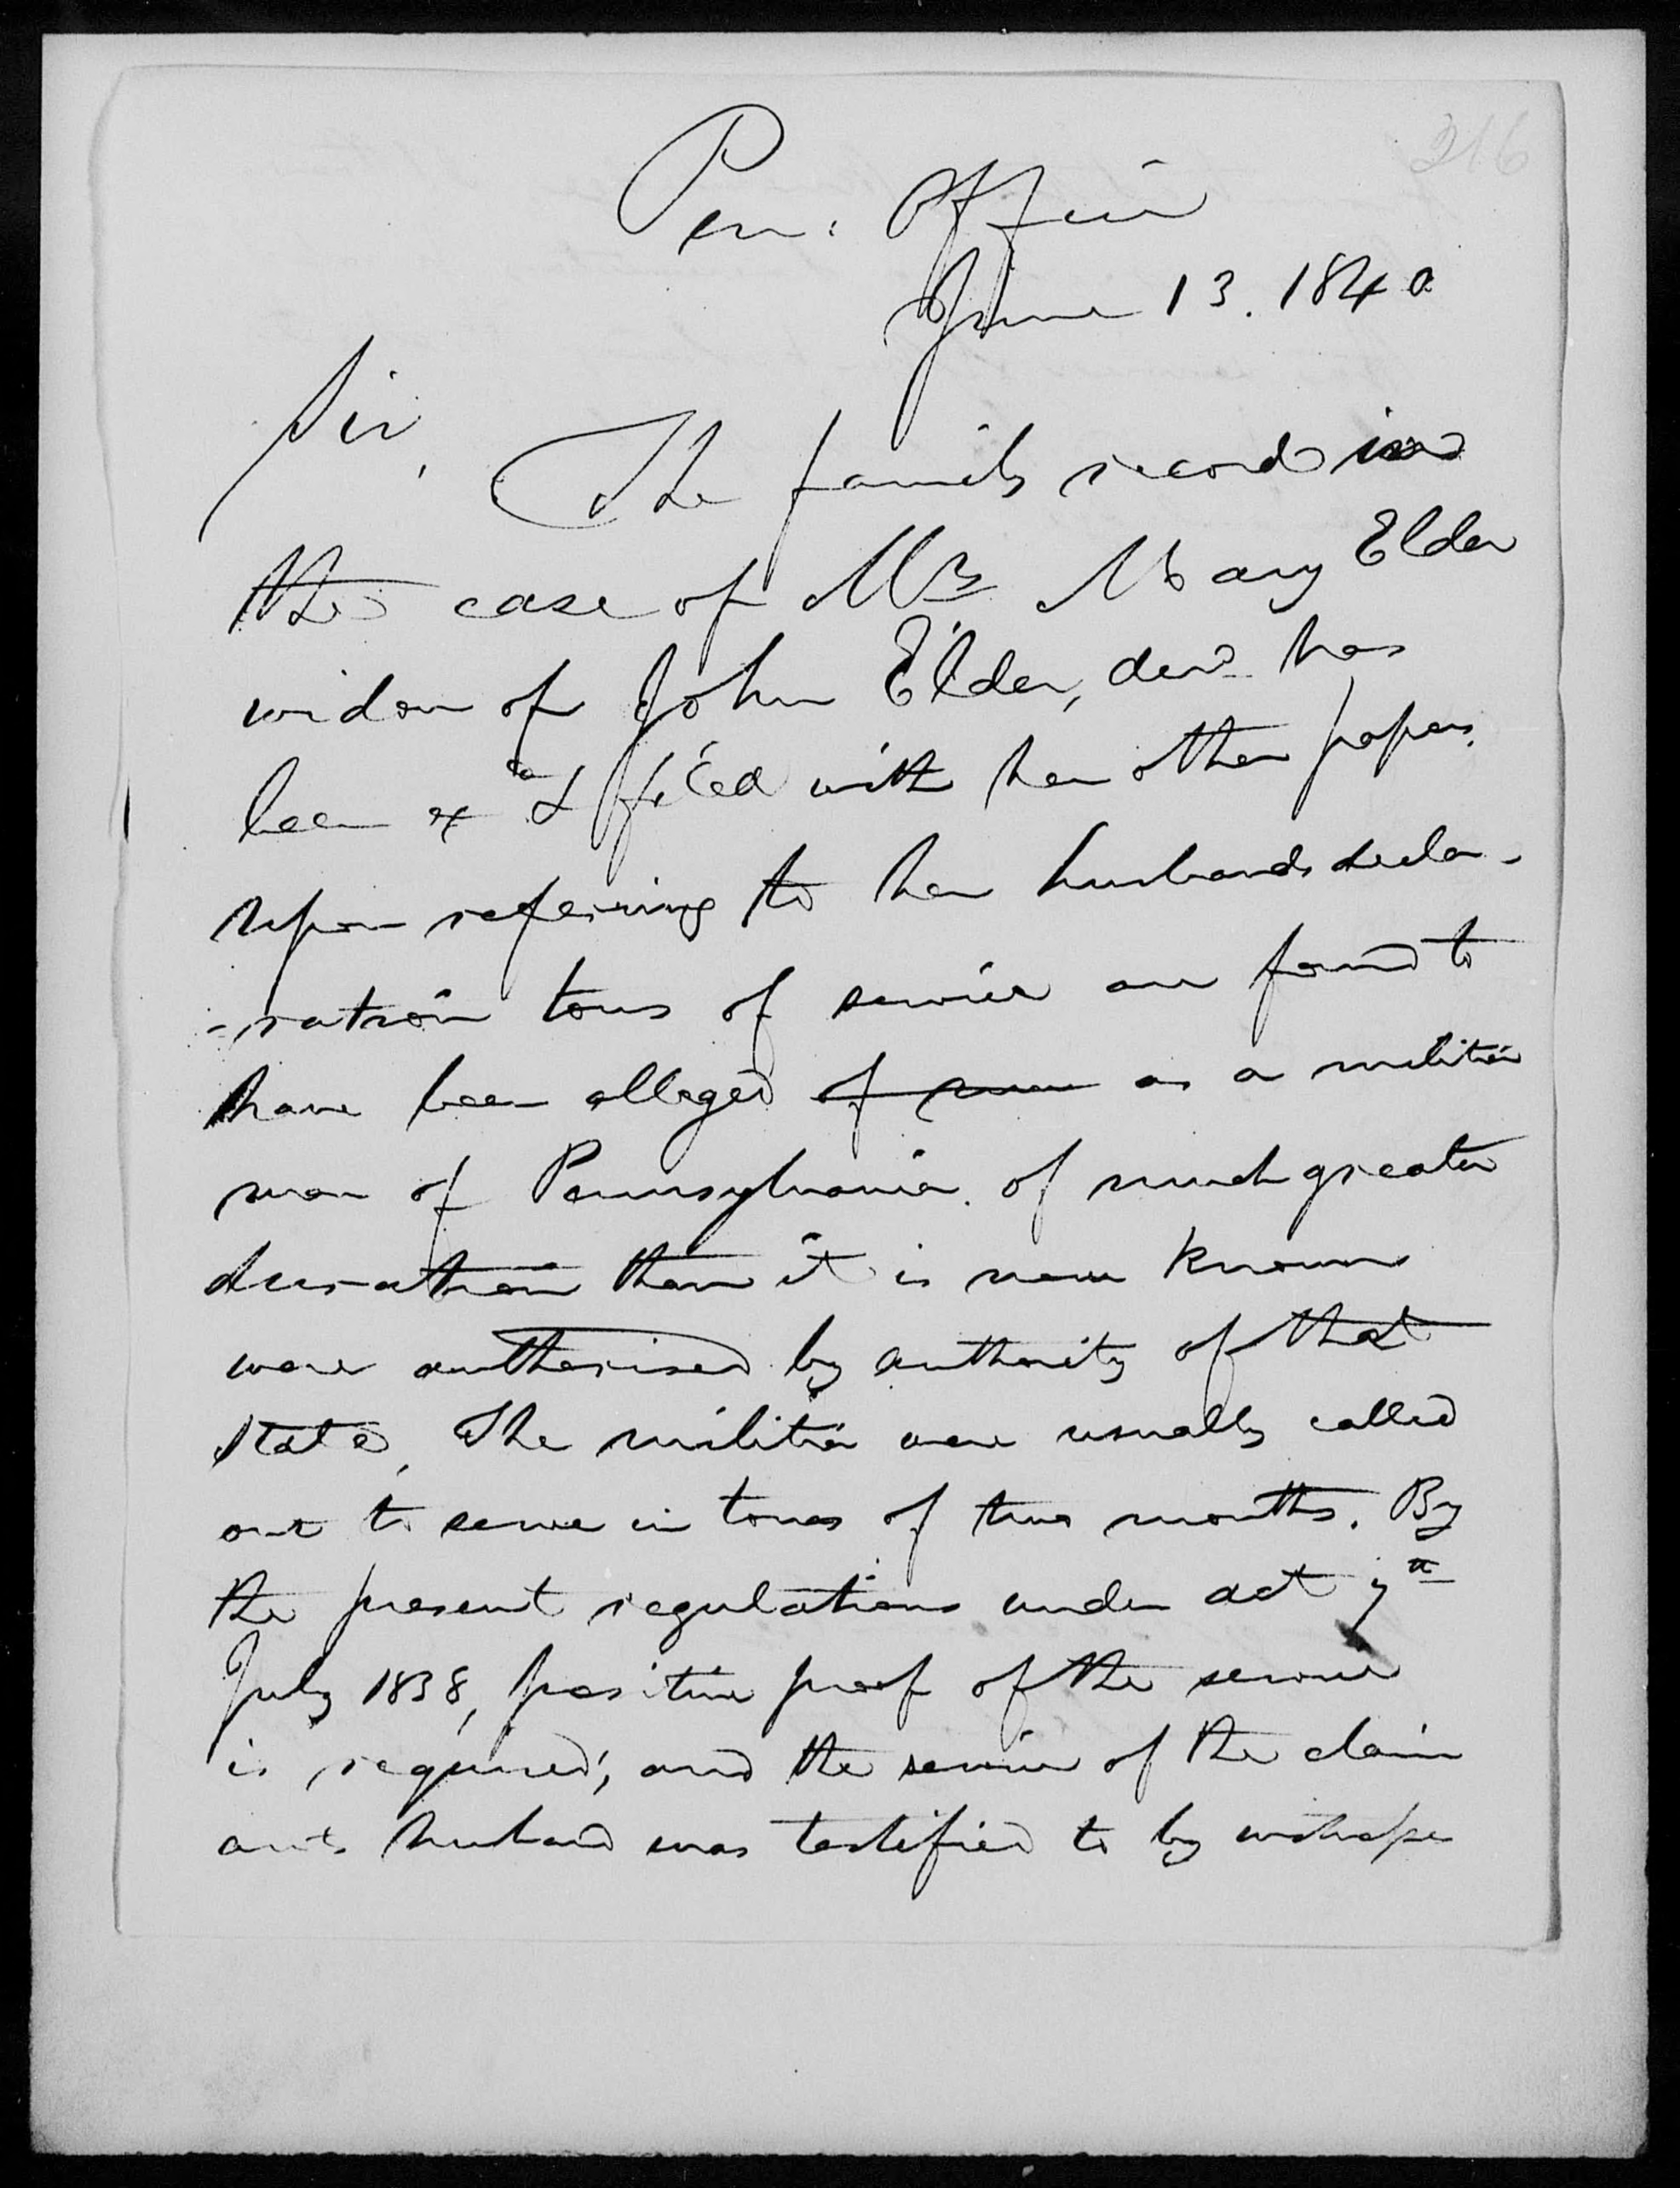Pension Office
June 13, 1840

Sir,
The family record in the case of Mrs. Mary Elder widow of John Elder, deceased has been and I filed with her other papers upon referring to her husband declaration tours of service land found to have been alleged (two words crossed out) as a militia man of Pennsylvania of much greater declaration than it is now known were authorized by authority of that state. The militia was usually called out to serve in tours of two months. By the present regulations under Act 4th July, 1838, positive proof of the service is required, and the service of the Declarant (not legible word) was testified to by witnesses.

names: Mary Elder, John Elder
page: 20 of 80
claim: widow's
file: W. 24117, John Elder, Penn.